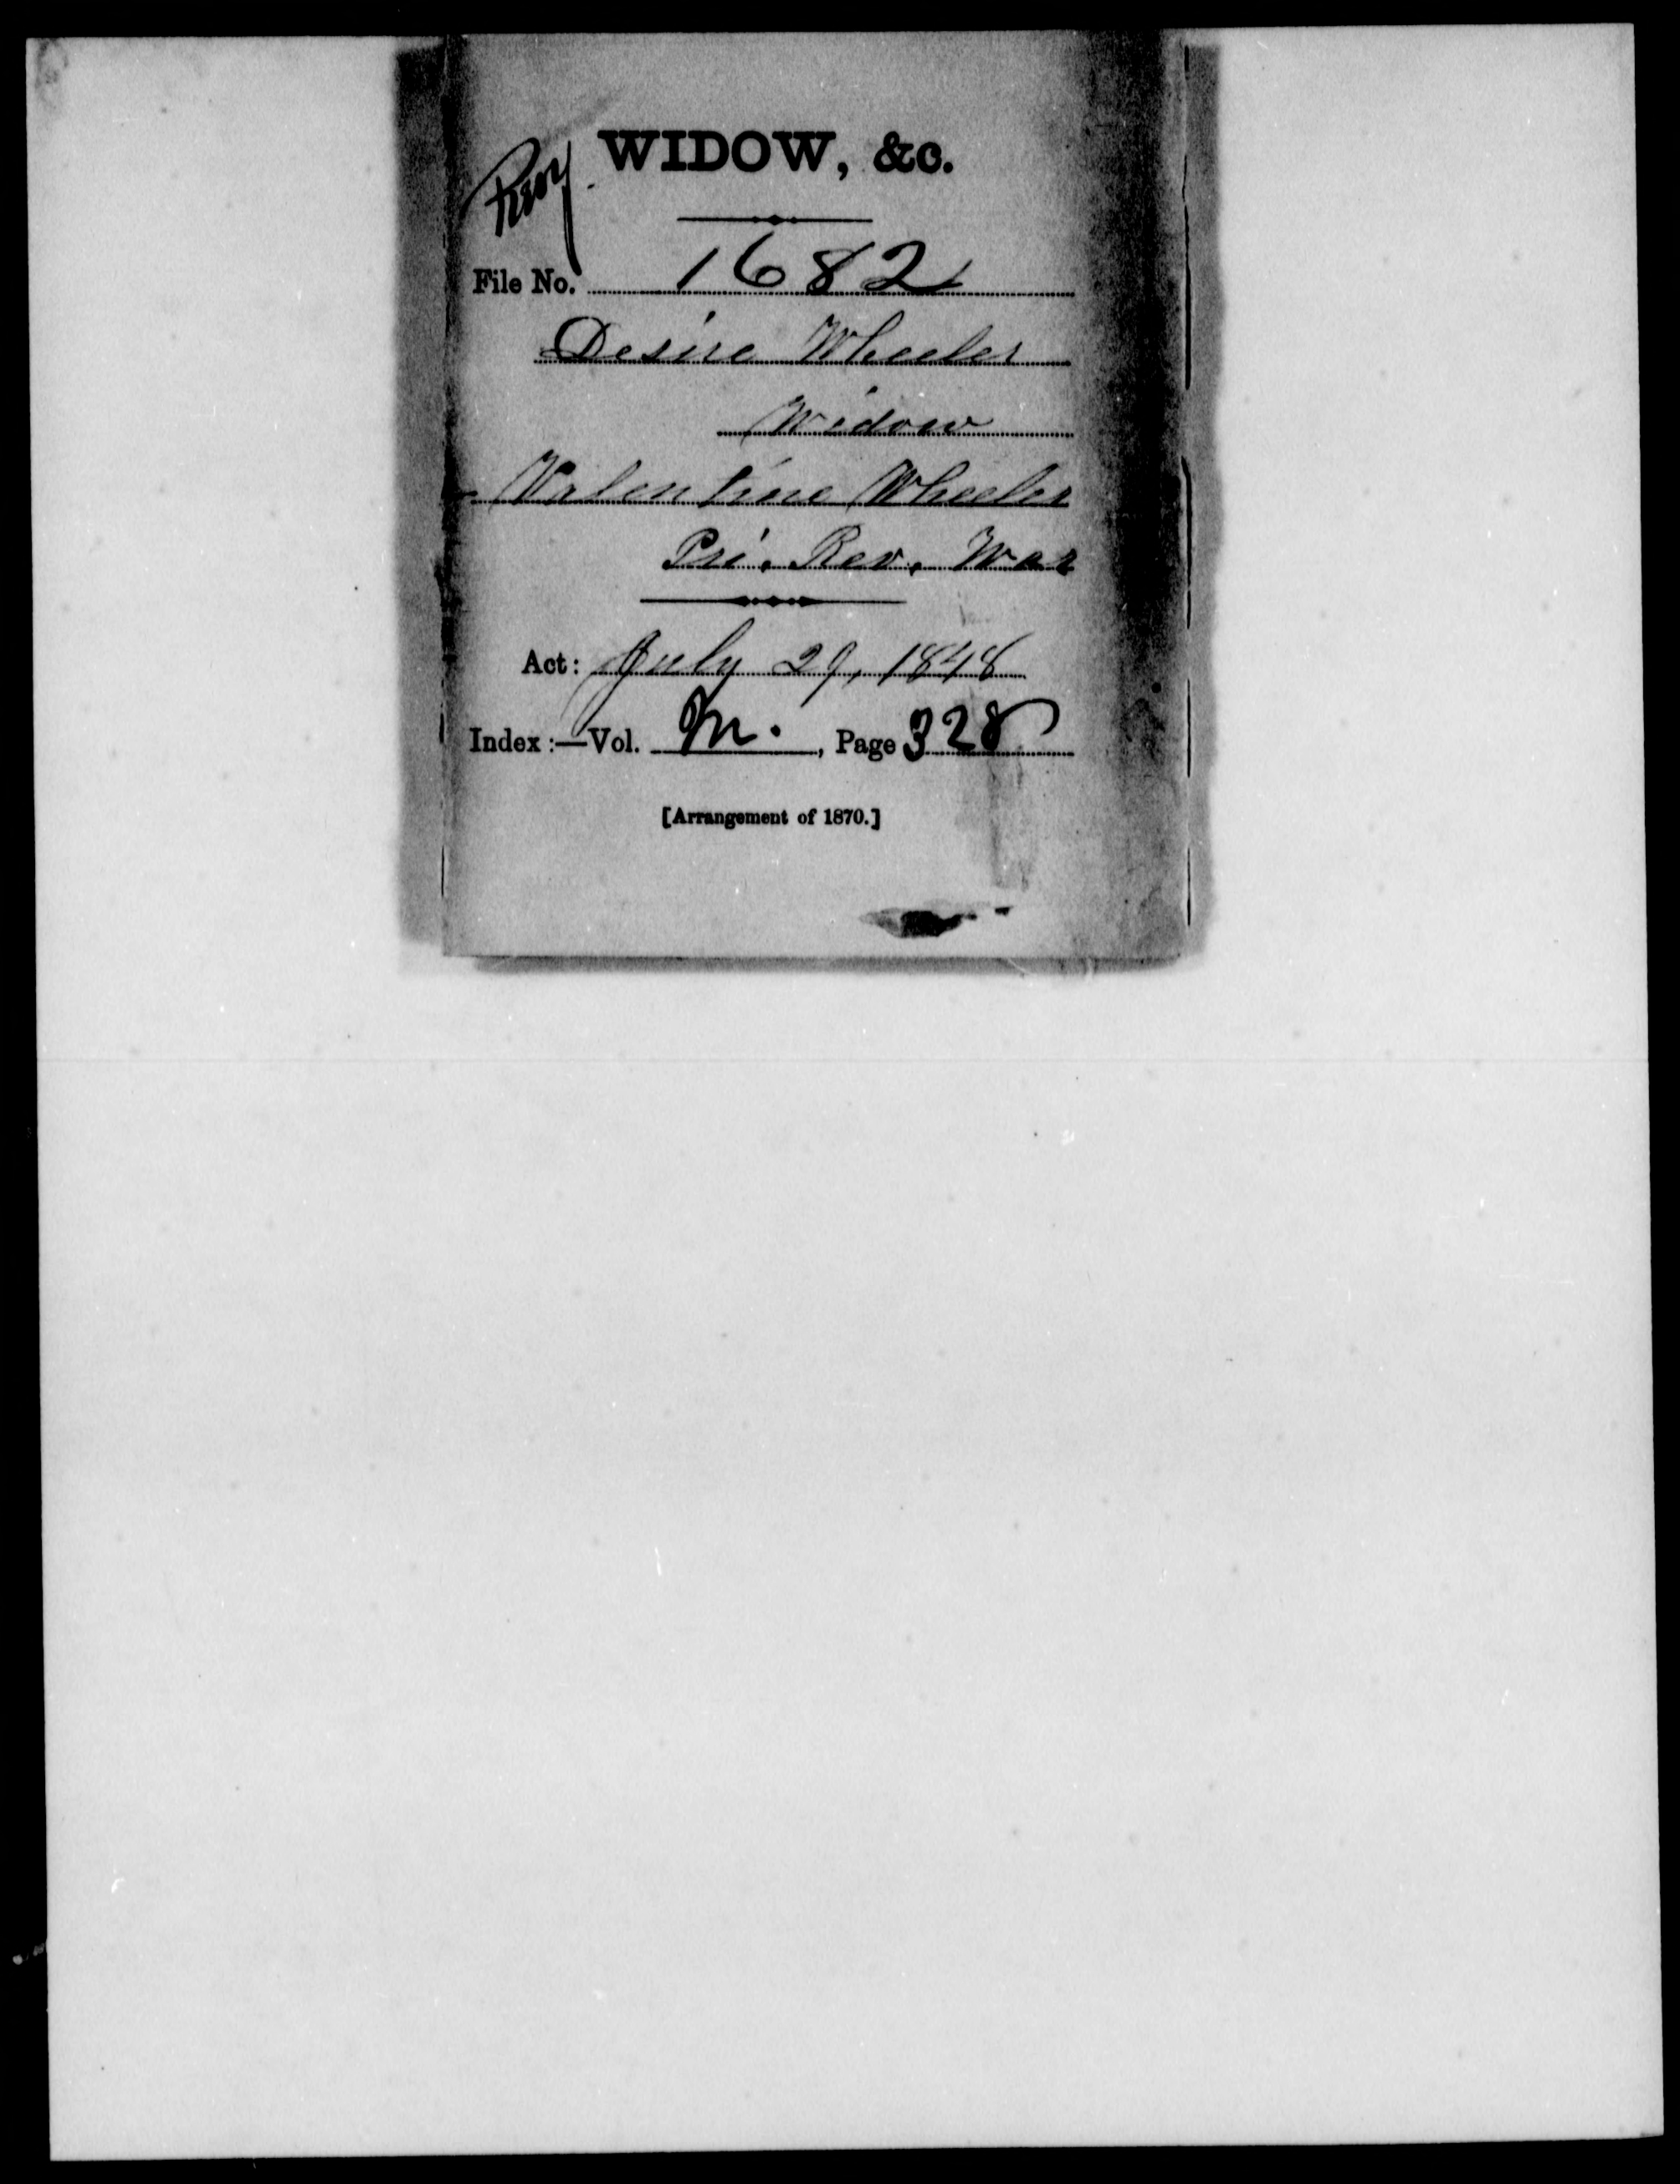Revy. WIDOW, &c.
File No. 1682
Desire Wheeler
Widow of Valentine Wheeler
Pri. Rev. War
Act July 29. 1848
Index: Vol. M, Page 328

[Arrangement of 1870]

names: Desire Wheeler, Valentine Wheeler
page: 58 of 98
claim: widow's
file: W. 1682, Valentine Wheeler, Mass.